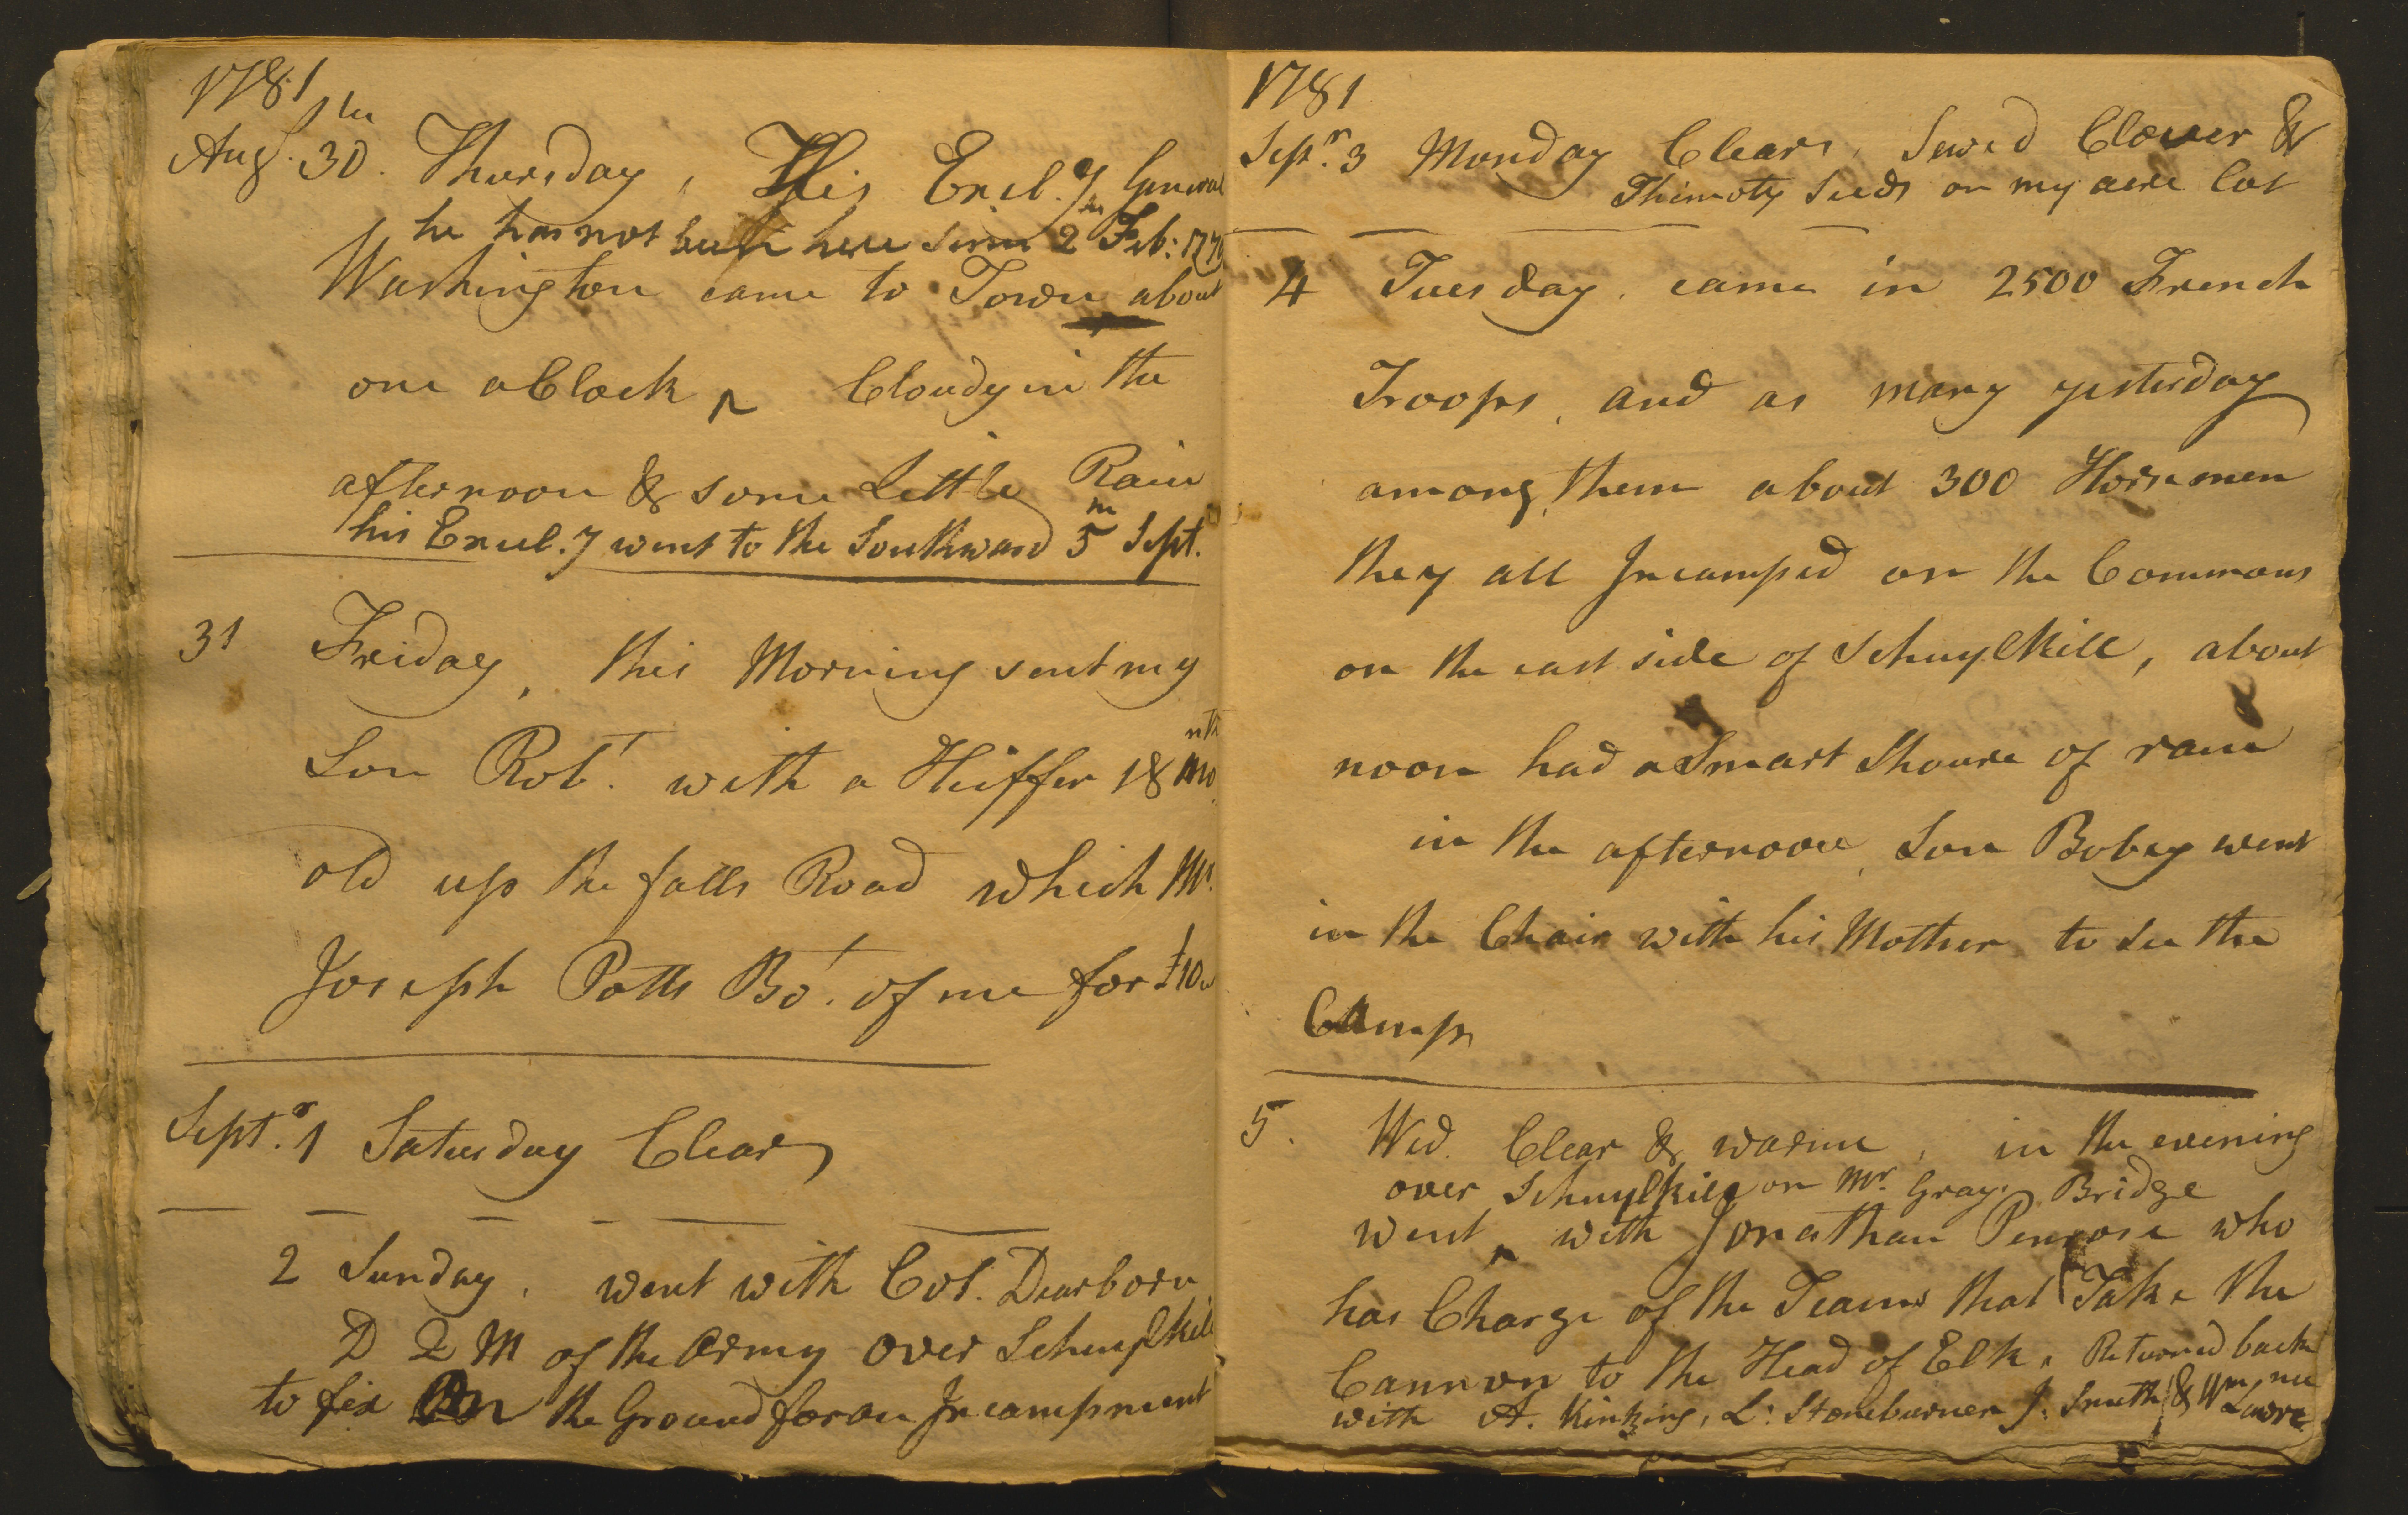1781
Aug^t. 30^th. Thursday, His Excel^y. & General
he has not but hise since 2^th Feb: 1778
Washington came to Town about
one a Clock, Cloudy in the
afternoon & some Little Rain
his Excel^y. went to the Southward 5^th Sept.
31 Friday this Morning sent my
son Rob^t. with a Heiffer 18 Mo
old up the falls Road which M^r
Joseph Potts Bo^t. of ie for £10.
Sept^r. 1 Saturday Clear
2 Sunday. went with Col. Dearborn
DQM of the Army over Schuylkill
to fis [__] the Ground for an Incampment
1781
Sep^r. 3 Monday Clear, sewed Clover &
Thimoty seeds on my acre lot
4 Tuesday. came in 2500 French
Troops, and as Many yesterday
among them about 300 Horsemen
they all Incamped on the Commons
on the east side of Schuylkill, about
noon had a smart Shoure of raine
in the afternoon son Bobey went
in the Chair with his Mother to see the
Camp
5. Wed. Clear & warme, in the evening
over Schuylkile on M^r. Grays Bridge
went, with Joathan Penrose who
has Charge of the Teams that Take the
Cannon to the Head of Elk, Returned back
with A. Kintzing, L: Stoneburner J. Smith & W^m Lawre^nce